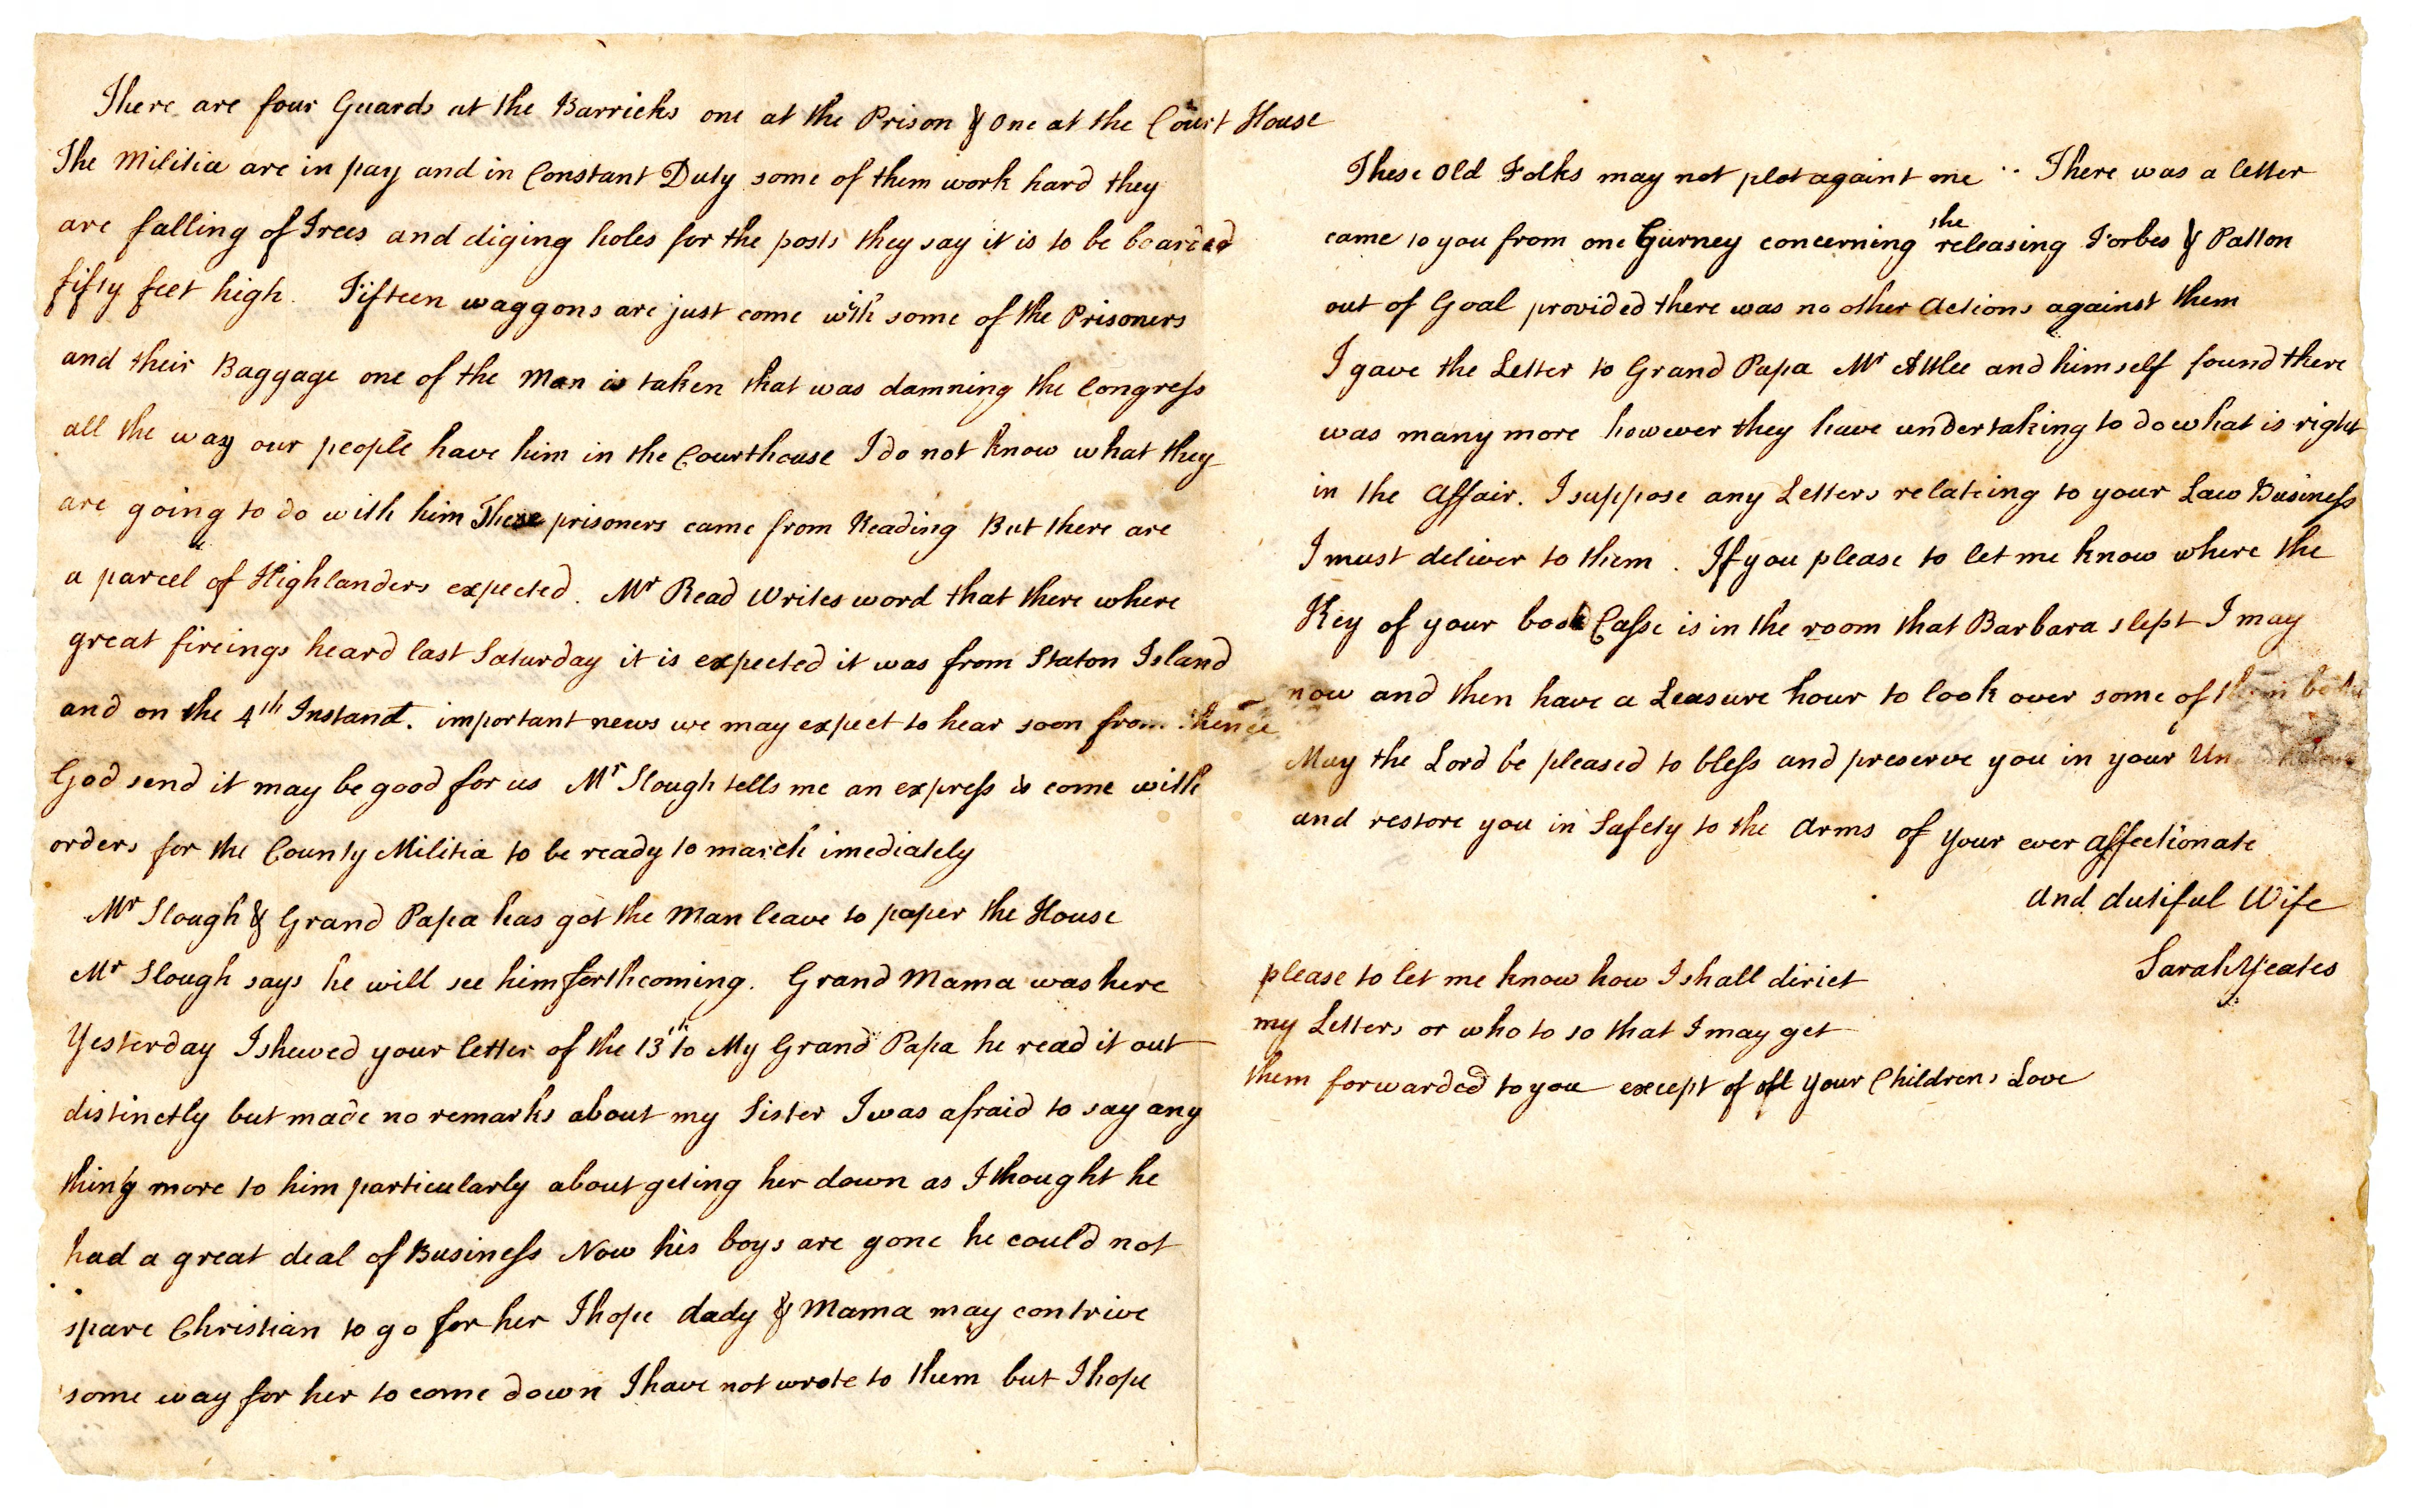There are four Guards at the Barricks one at the Prison & one at the Court House
The Militia are in pay and in Constant Duty some of them work hard they
are falling of Trees and diging holes for the posts they say it is to be boarded
fifty feet high. Fifteen waggons are just come with some of the Prisoners
and their Baggage one of the Man is taken that was damning the congress
all the way our people have him in the Courthouse I do not know what they
are going to do with him These prisoners came from Reading But there are
a parcel of Highlanders expected, M^r Read writes word that there where
great fireings heard last Saturday it is expected it was from Staton Island
and on the 4^th. Instant. important news we may expect to hear soon from thence
God send it may be good for us M^r Slough tells me an express is come with
orders for the County Militia to be ready to march imediately
M^r Slough & Grand Papa has got the man leave to paper the House
M^r Slough says he will see him forthcoming. Grand Mama was here
Yesterday I shewed your letter of the 13^th to My Grand Papa he read it out
distinctly but made no remarks about my Sister I was afraid to say any
thing more to him particularly about geting her down as I thought he
had a great deal of Business Now his boys are gone he could not
spare Christian to go for her I hope dady & Mama may contrive
some way for her to come down I have not wrote to them but I hope
These old Folks may not plot against me There was a letter
the
came so you from one Gurney concerning releasing Forbes & Patton
out of Goal provided there was no other Actions against them
I gave the Letter to Grand Papa M^r Attlee and himself found there
was many more however they have undertaking to do what is right
in the affair. I suppose any Letters relating to your Law Business
I must deliver to them. If you please to let me know where the
Key of your book Casse is in the room that Barbara slept I may
now and then have a Leasure hour to look over some of those books
May the Lord be pleased to bless and preserve you in your Un[______]
and restore you in Safety to the arms of your ever affectionate
and dutiful Wife
Sarah Yeates
please to let me know how I shall dirict
my Letters or who to so that I may get
them forwarded to you except of oft your Children, Love